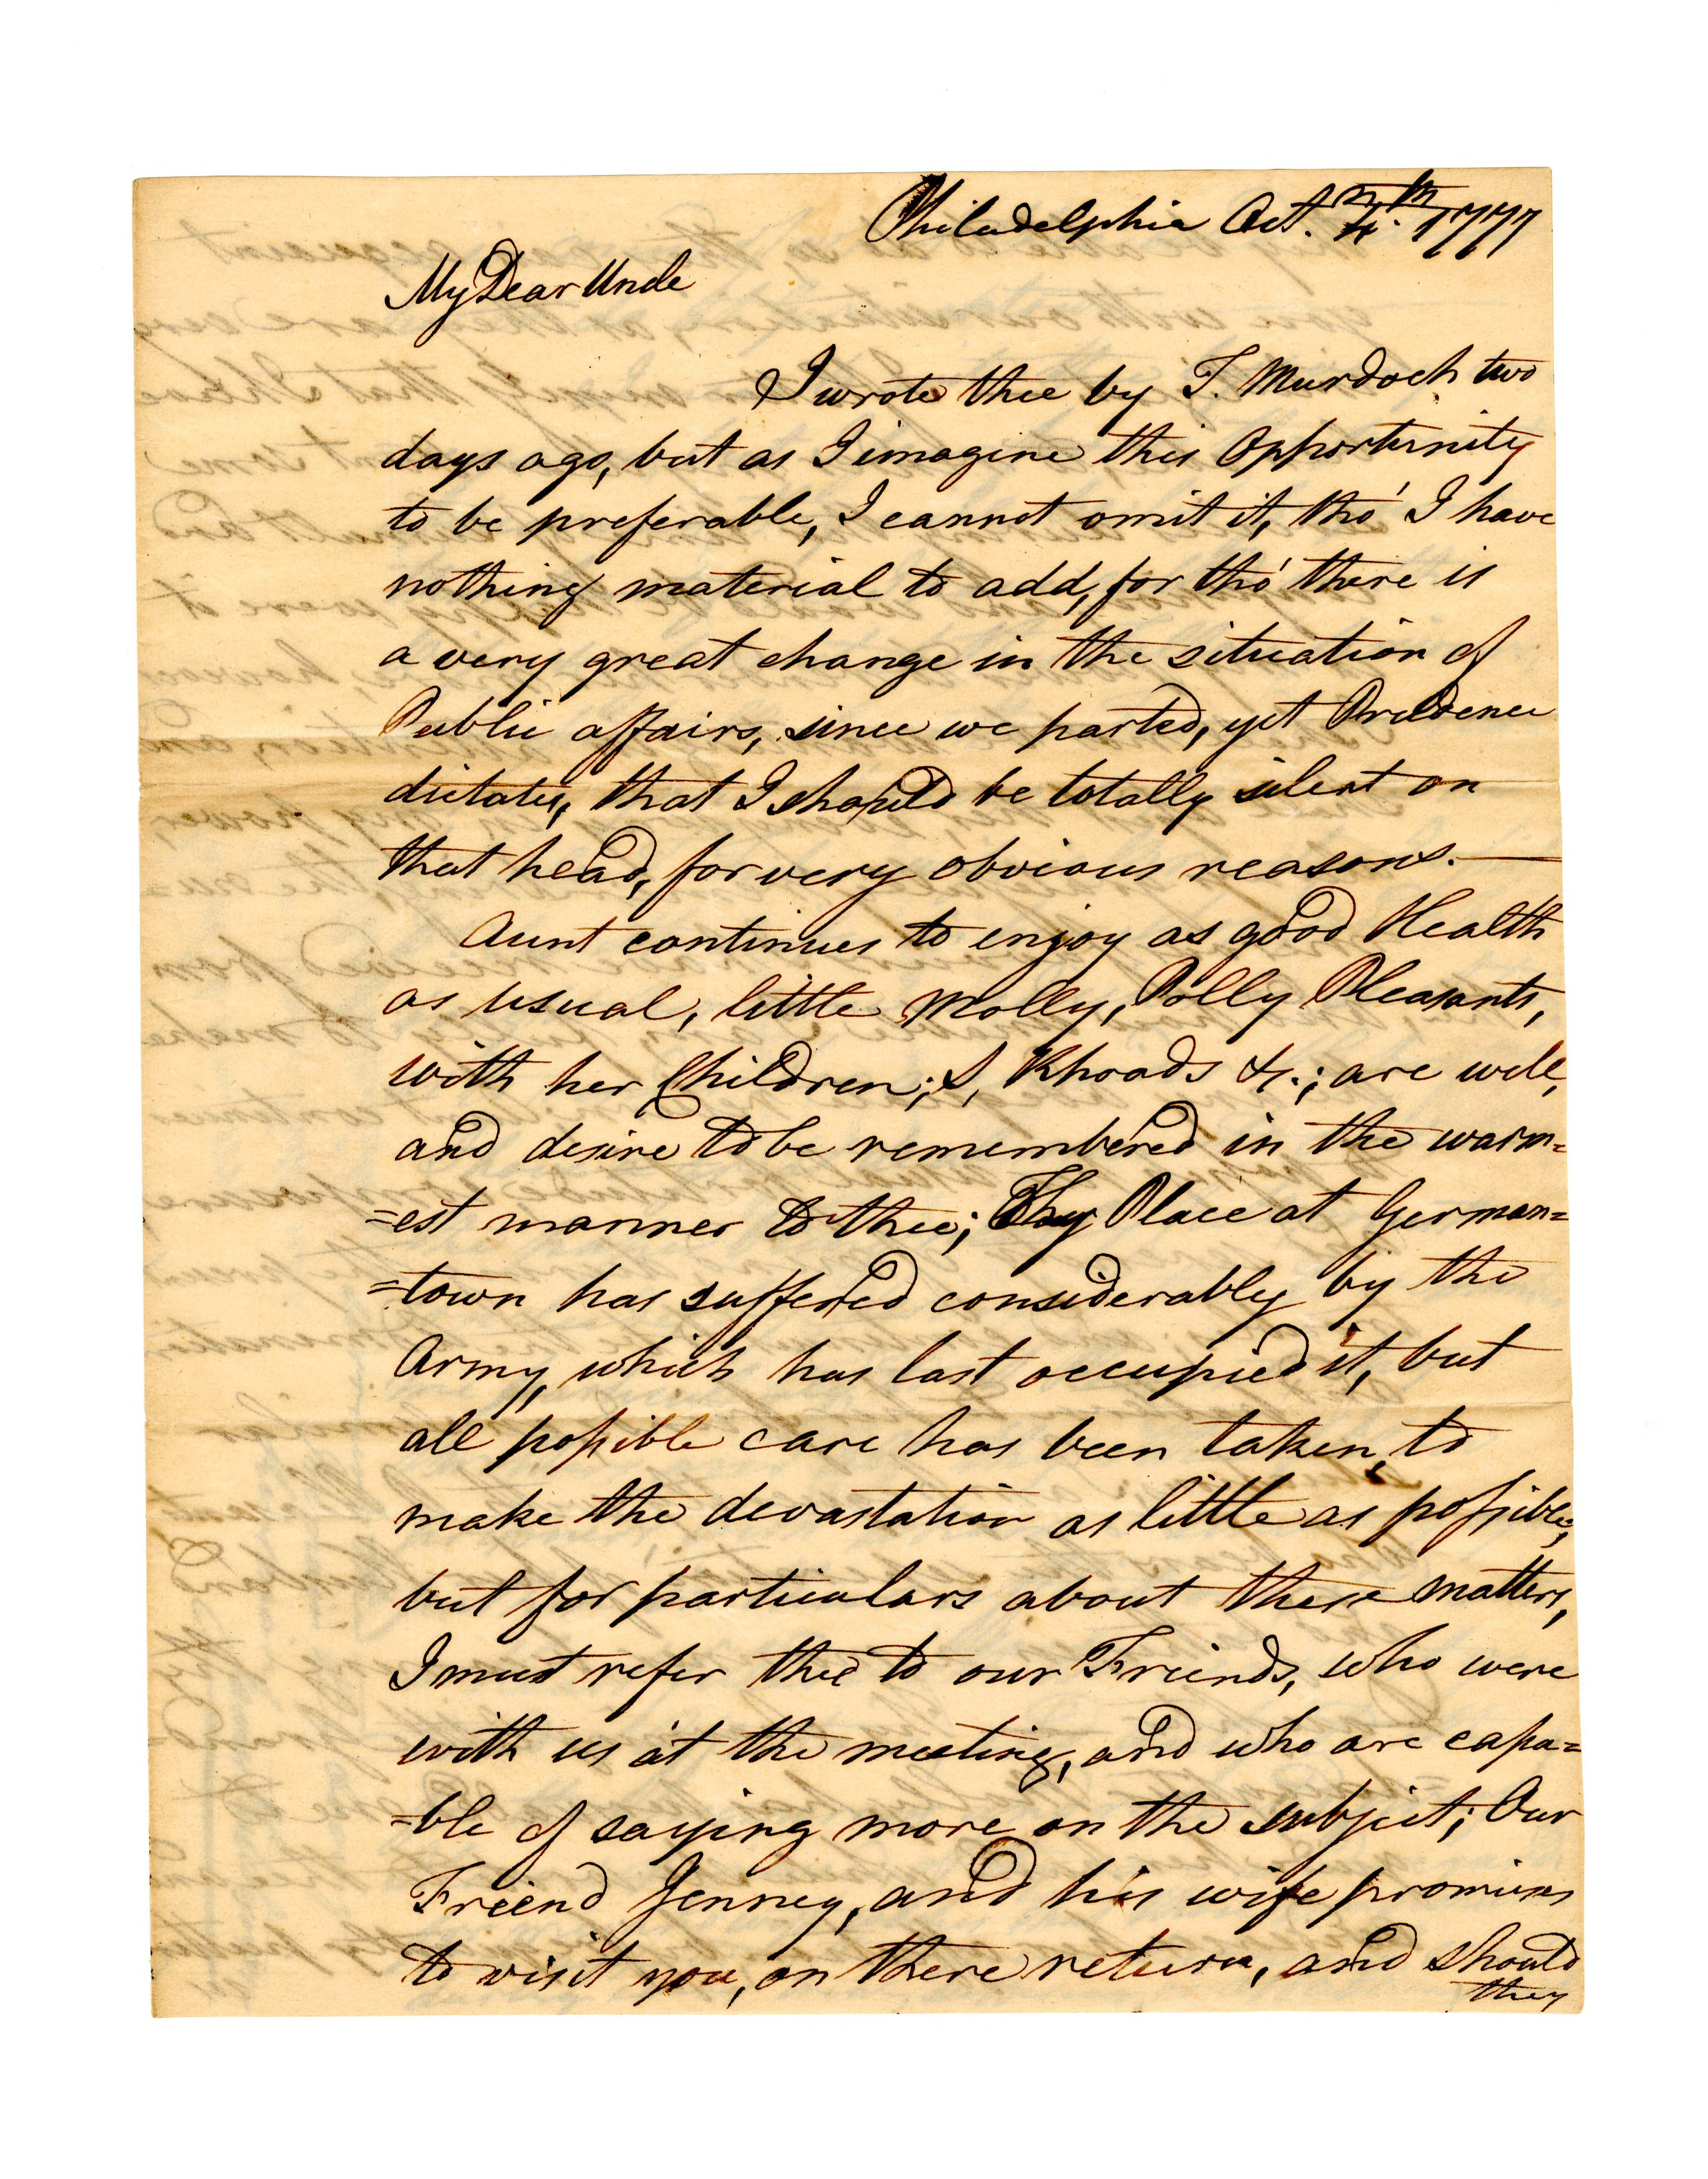Philadelphia Oct.^r 4^th. 1777
My Dear Uncle
I wrote thee by T. Murdoch two
days ago, but as I imagine this Opportunity
to be preferable, I cannot omit it, tho' I have
nothing material to add, for tho' there is
a very great change in the situation of
Public affairs, since we parted, yet Prudence
dictates, that I should be totally silent on
that head, for very obvious reasons.-
Aunt continues to enjoy as good Health
as usual, little Molly, Polly Pleasants,
with her Children; S. Rhoads &c; are well,
and desire to be remembered in the warm-
-est manner to thee; Thy Place at German-
-town has suffered considerably by the
Army, which has last occupied it, but
all possible care has been taken to
make the devastation as little as possible,
but for particulars about these matters,
I must refer thee to our Friends, who were
with us at the meeting, and who are capa-
-ble of saying more on the subject; Our
Friend Jenney, and his wife promises
to visit you, on there return, and should
they